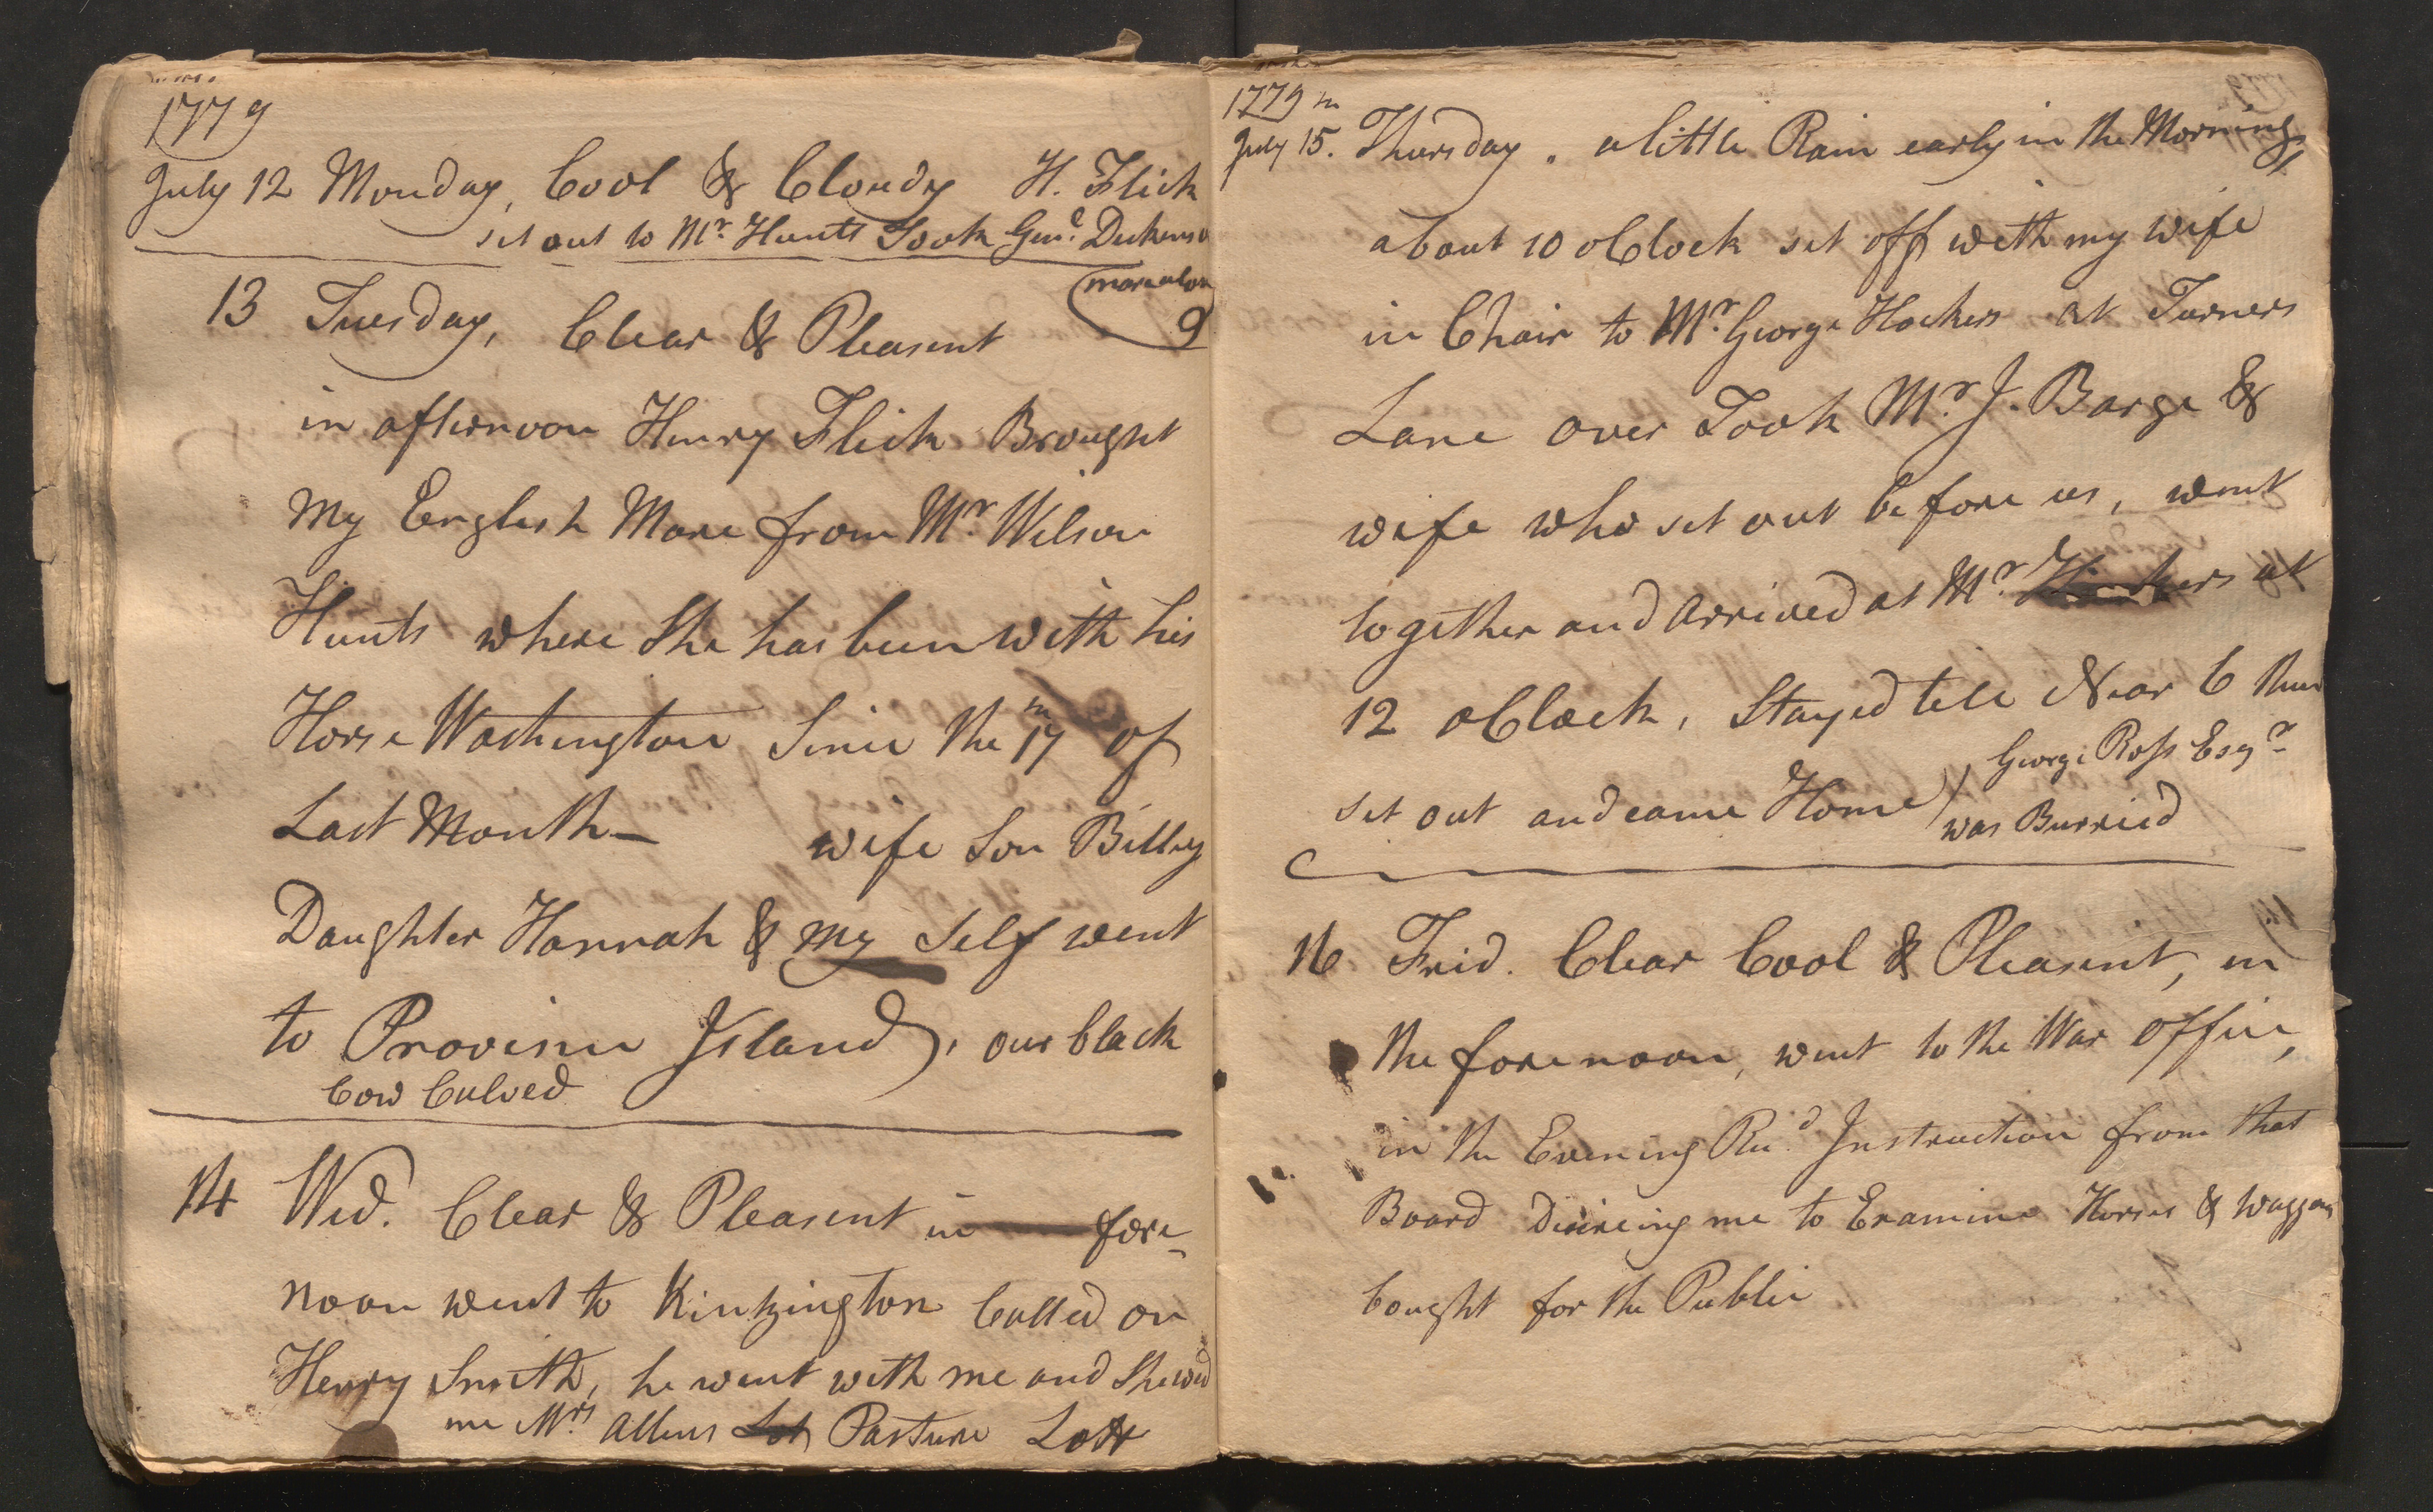1779
July 12 Monday, Cool & Cloudy H. Flick
set out to M^r Hunts Took Gen^l. Dukens
mareudow
13 Tuesday, Clear & Pleasent
in afternoon Henry Flick Brought
My English Mare from M^r. Wilson
Hunts where she has been with his
Horse Washington since the 17^th of
Last Month-
wife Son Billey
Daughter Hannah & my self went
to Provinice Island, our black
Cow Calved
14 Red. Cleat & Pleasent in fore
noon went to Kintzington Called on
Hery Smith, he went with me and Shewed
me M^r. Allens [Lot] Pasture Lott
1779
July 15^th. Thursday. a little Rain early in the Morning
about 10 oClock set off with my wife
in Chair to M^r. Georga Hockers atTJurners
Lane over Took M^r. J. Barge &
wife who set out before us, went
to gether and arrived at M^r. [______]
12 oClock, Stayed tell Near 6 then
set out and came Home
George Ross Esq^r.
was Burried
16. Frid. Clear Cool & Pleasent in
the forenoon, went to the War office
in the Evening Rec^d. Instruction from that
Boord desireing me to Examine Horses & waggons
bought for the Public